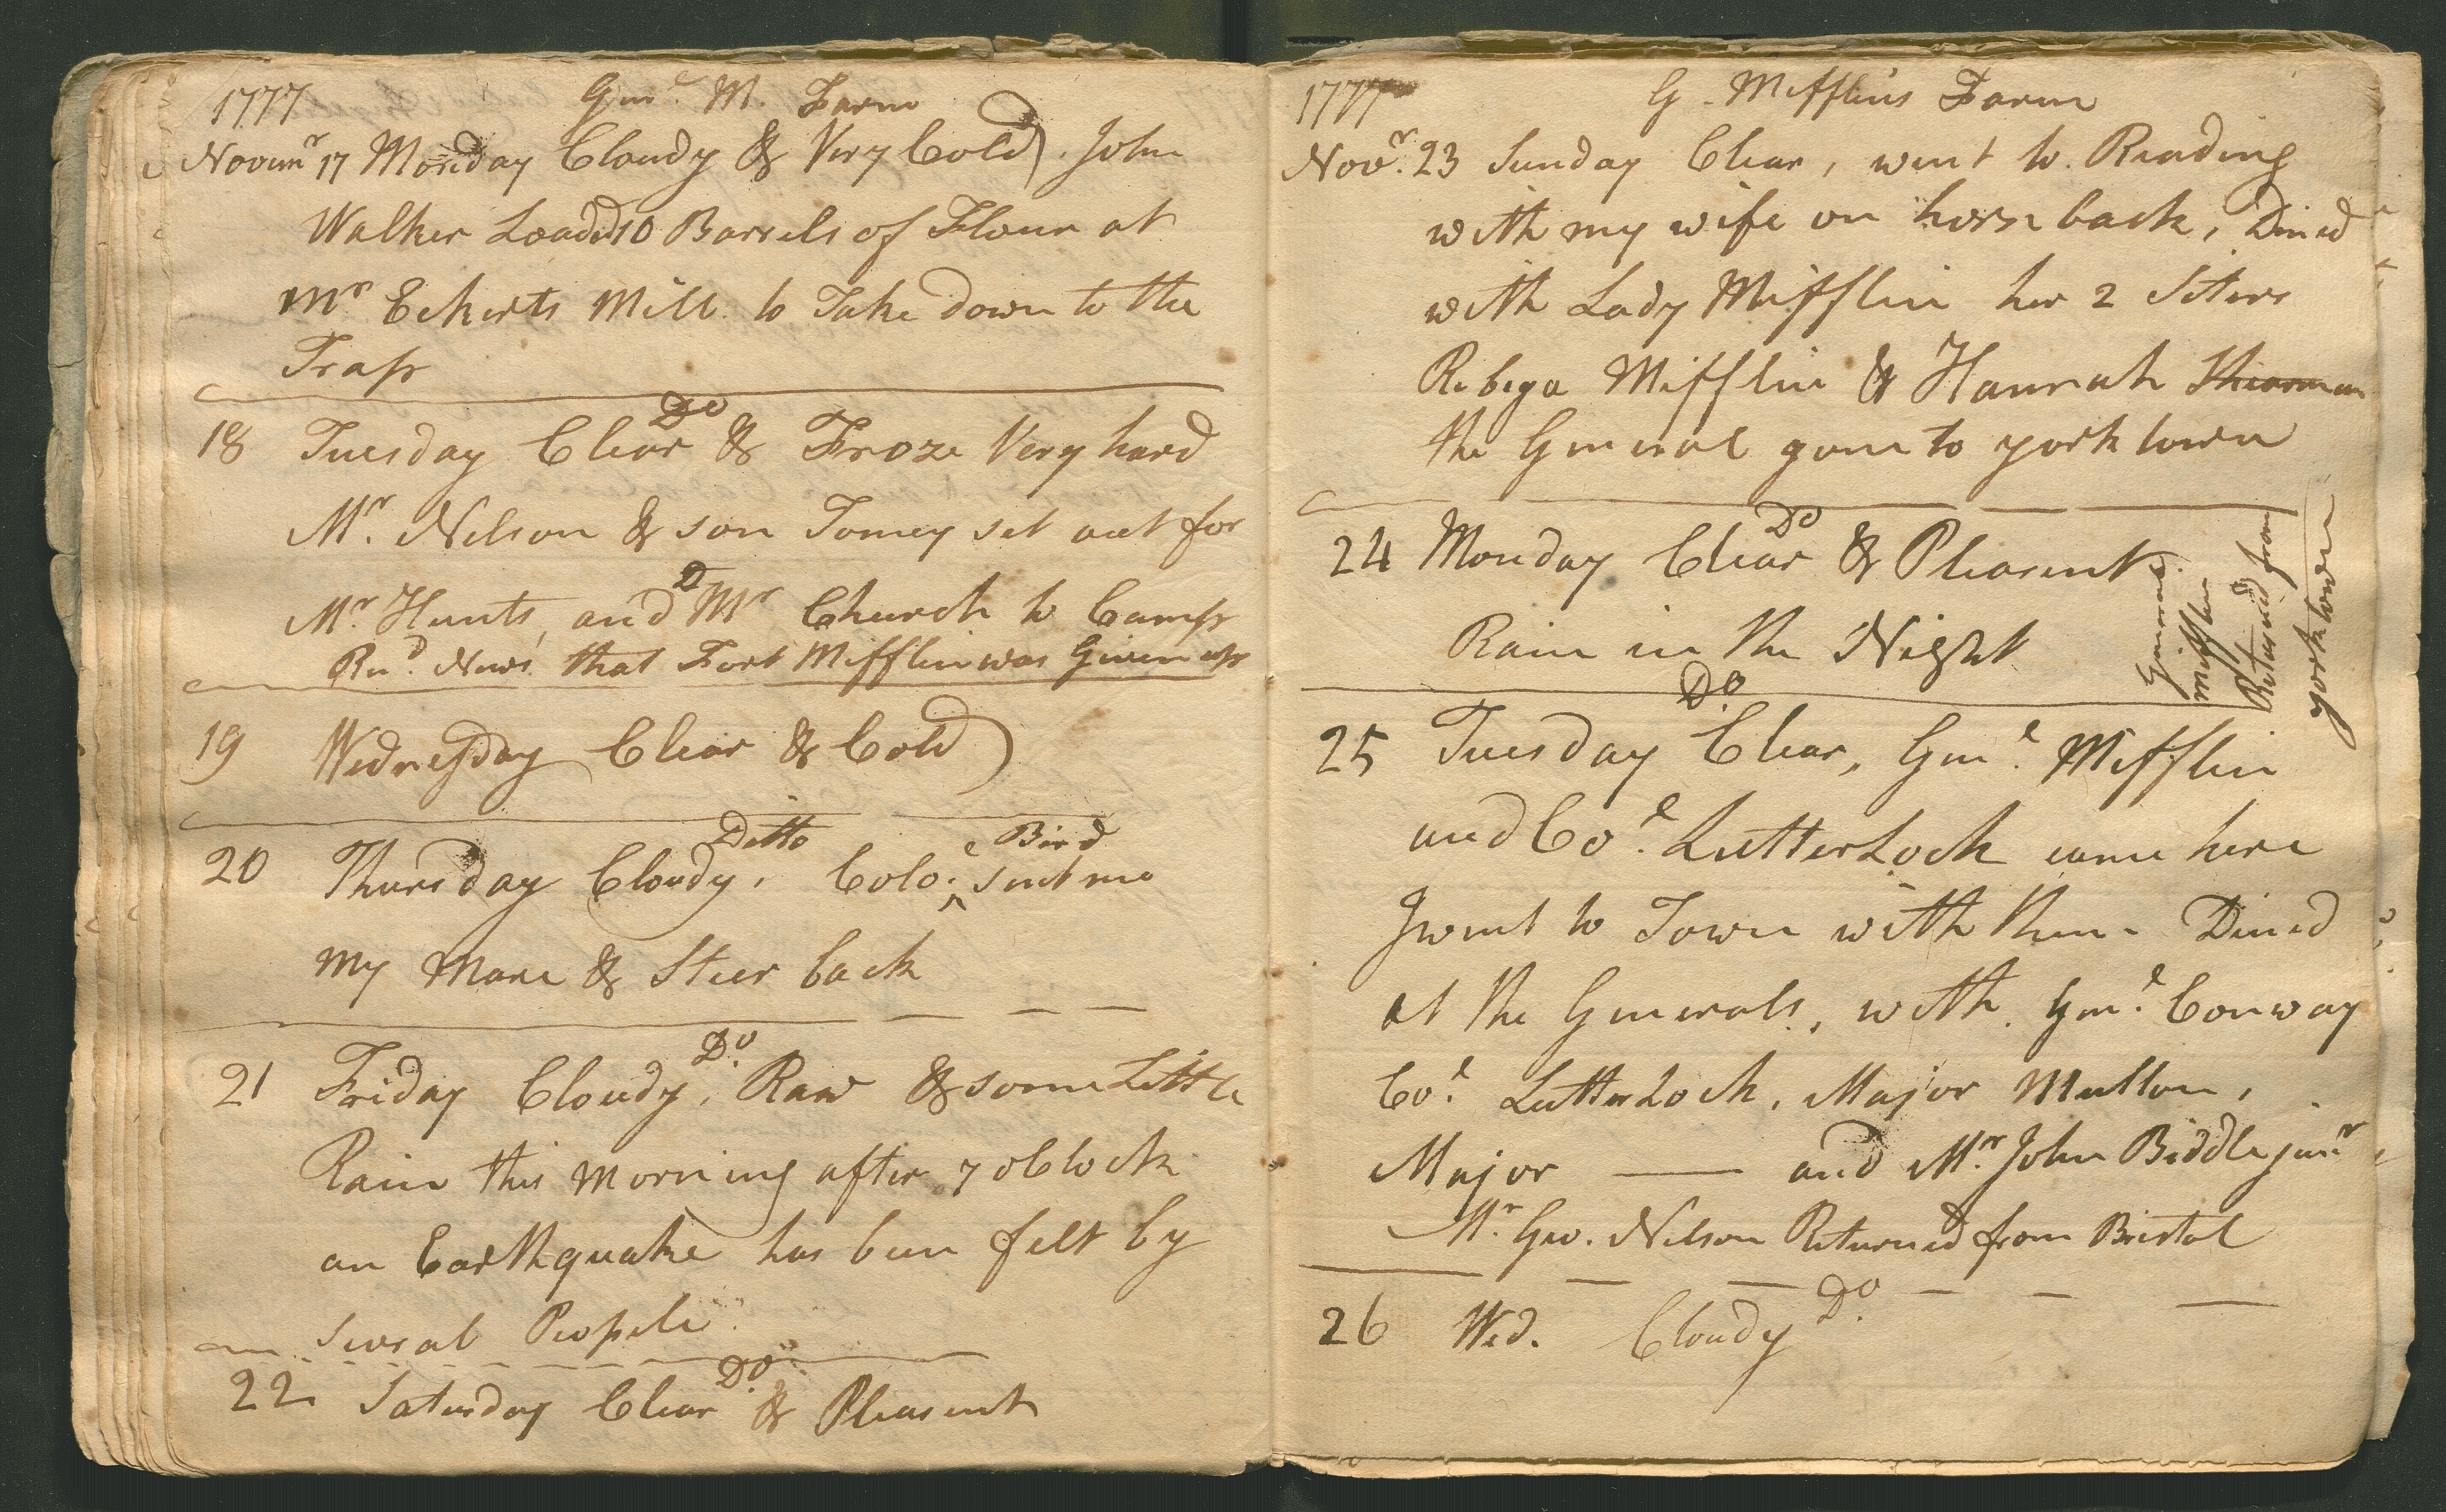1777
Gen^l. M. Farm
Novem^r 17 Monday Cloudy & Very Cold John
Walker Loaded 10 Barrels of Flour at
M^r. Eckerts Mill to Take down to the
Trap
18 Tuesday Clear & Froze Very hard
M^r. Nelson & son Tomey set out for
M^r. Hunts, and M^r. Church to Camp
Re^d. News that Fort Mifflin was Given up
19 Wednesday Clear & Cold
Ditto
Bird
20 Thursday Cloudy. Colo. ^ sent me
my Mare & Steer back
21 Friday Cloudy. Raw & some Little
Rain this Morning after 7 oClock
an Earthquake has been felt by
sevral Peopele
D^o.
22 Saturday Clear & Pleasent
1777
Gl. Mifflins Farm
Nov^r. 23 Sunday Clear, went to Reading
with my wife on horse back, Dined
with Lady Mifflin her 2 Sisters
Rebiga Mifflin & Hannah Sheanman
the General gone to york town
24 Monday Clear & Pleasent
Rain in the Night
D^o.
General
mifflin
Returned from
yorktown
25 Tuesday Clear, Gen^l. Mifflin
and Co^l. Letterlock came here
I went to Town with then. Dined
at the Generals, with Gen^l. Conway
Co^l. Letterlock, Major Mullon,
Major- and M^r. John Biddle jun^r.
M^r. Geo. Nelson Returned from Bristol
D^o.
26 Wed. Cloudy